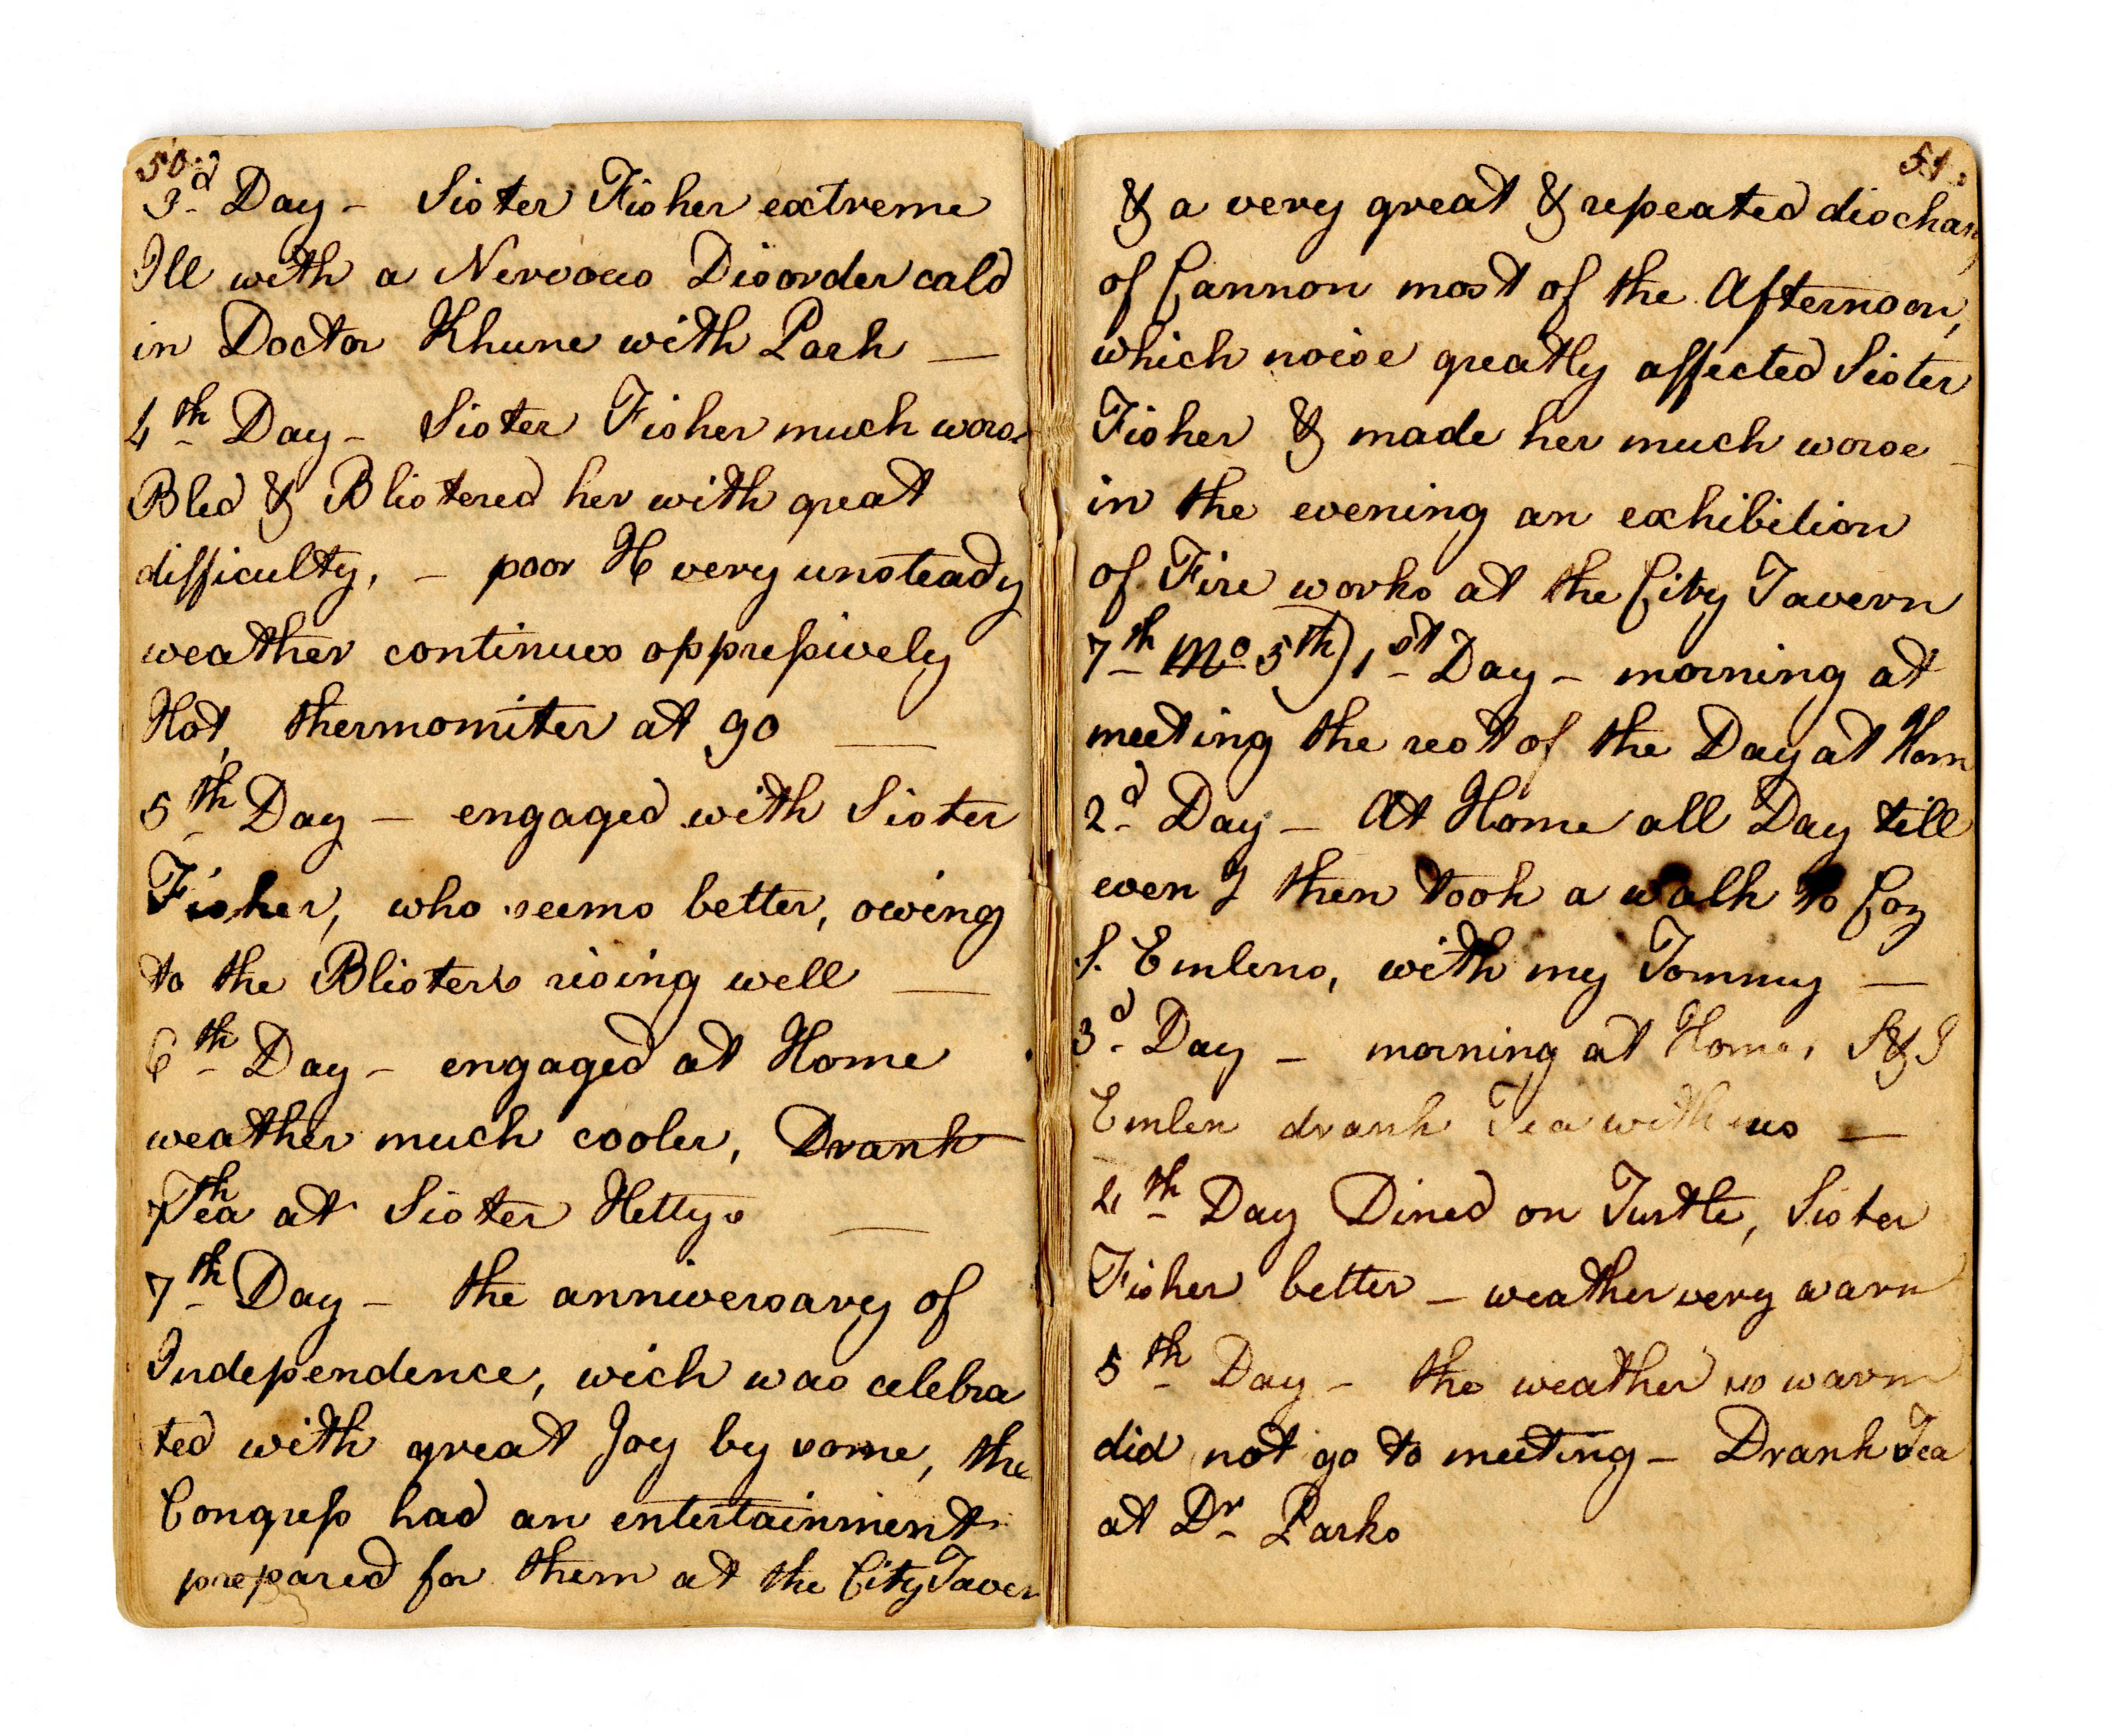50
3^d Day- Sister Fisher extreme
Ill with a Nervous Disorder cald
in Doctor Khune with Park-
4^th Day- Sister Fisher much wors-
Bled & Blistered her with great
difficulty,- poor to very unsteady
weather continues oppressively
Hot, thermomiter at 90
5^th Day- engaged with Sister
Fisher, who seems better, owing
to the Blisters rising well-
6^th Day- engaged at Home
weather much cooler, Drank
7^th Tea at Sister Hettys
7^th Day- the anniversary of
Independence, wich was celebra
ted with great Joy by some, the
Congress had an entertainment
prepared for them at the City Taver
51
& a very great & repeated discharg
of Cannon most of the Afternoon,
which noise greatly affected Sister
Fisher & made her much worse
in the evening an exhibition
of Fire works at the City Tavern
7^th M^o 5^th) 1^st Day- morning at
meeting the rest of the Day at Hom
2^d Day- At Home all Day till
even^g then took a walk to Coz
S. Emlens, with my Tommy
3^d. Day- morning at Home, S & S
Emlen drank Tea with us-
4^th Day Dined on Turtle, Sister
Fisher better,- weather very warn
5^th Day- the weather so warn
did not go to meeting- Drank Tea
at D^r- Parks